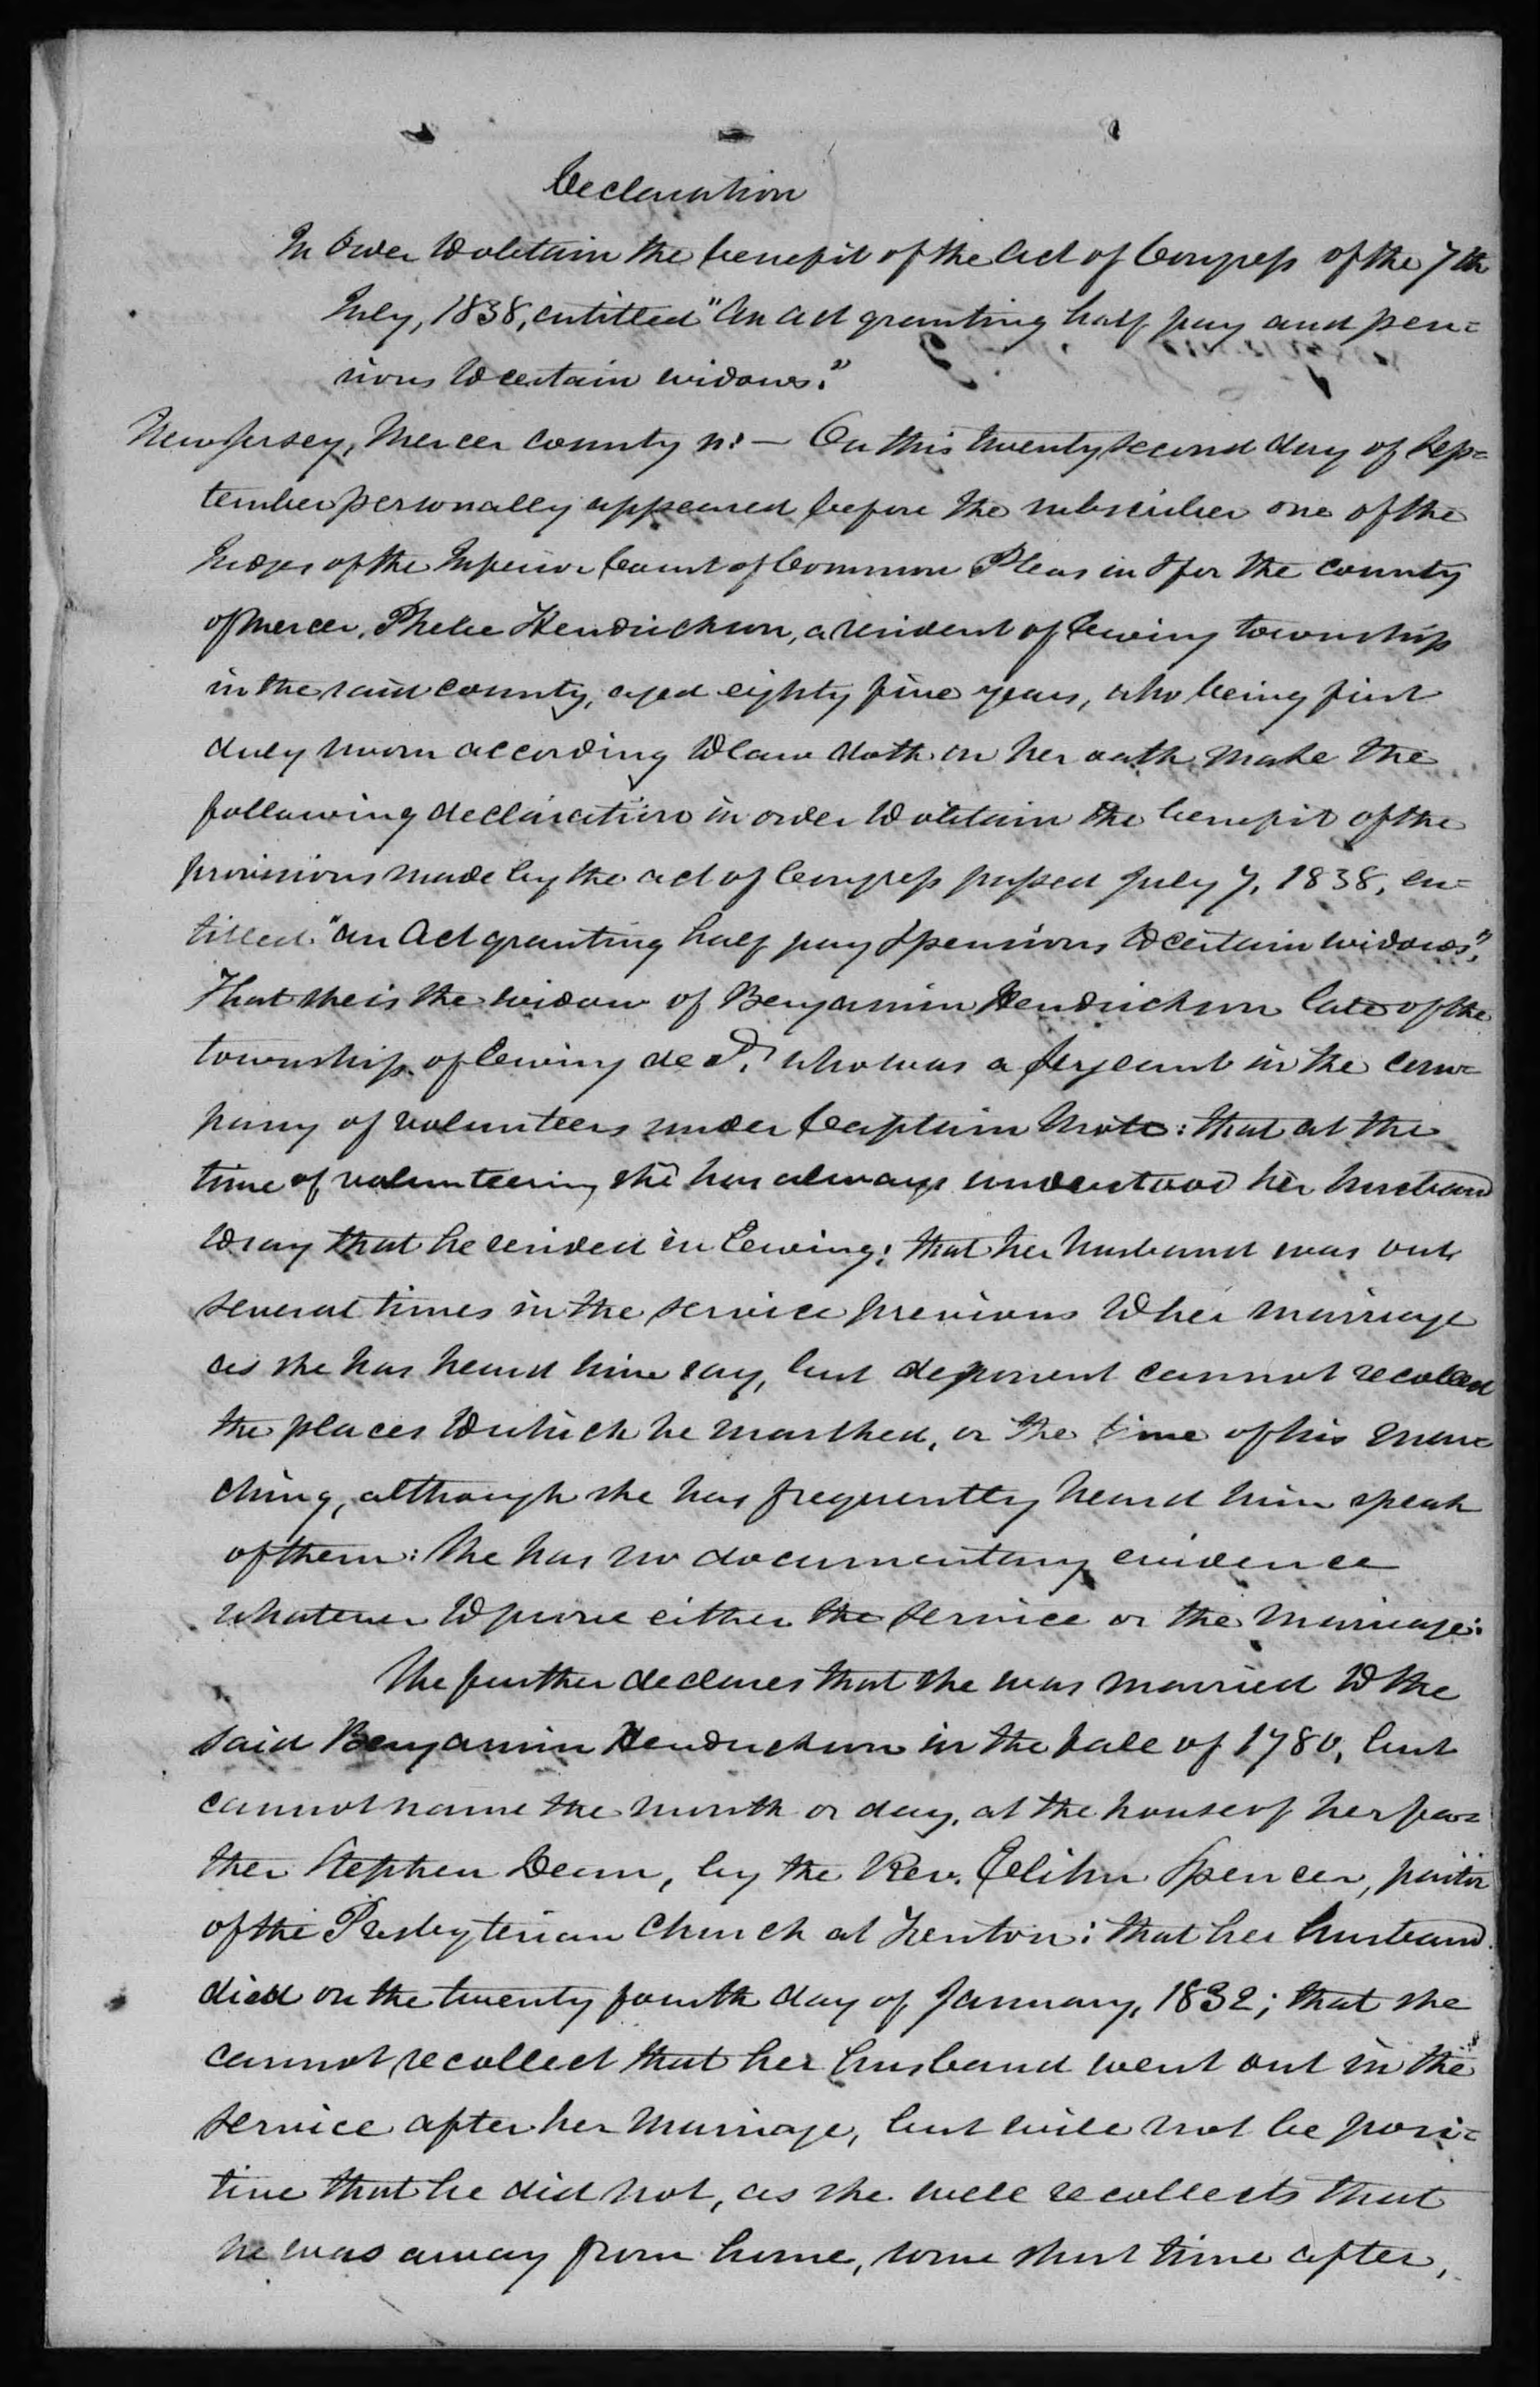Declaration
In Order to obtain the benefit of the Act of Congress of the 7th July, 1838, entitled "An act granting half pay and pensions to certain widows."
New Jersey, Mercer County SS. --- On this twenty second day of September personally appeared before the subscriber one of the Judges of the Inferior Court of Common Pleas in & for the County of Mercer, Phebe Hendrickson, a resident of Ewing township
in the said County, aged eighty five years, who being first duly sworn according to law doth on her oath make the following declaration in order obtain the benefit of the provisions made by the act of Congress passed July 7, 1838, entitled "an Act granting half pay & pensions to certain widows."
That she is the widow of Benjamin Hendrickson late of the township of Ewing decd, who was a Sergeant in the company of volunteers under Captain Mott: that at the time of volunteering she has always understood her husband
to say that he resided in Ewing: that her husband was out several times in the service previous to her marriage as she has heard him say, but deponent cannot recollect the places to which he marched, or the time of his marching, although she has frequently heard him speak of them; she has no documentary evidence whatever to prove either the service or the marriage:
She further declares that she was married to the said Benjamin Hendrickson in the fall of 1780, but cannot name the month or day, at the house of her father Stephen Denn, by the Rev. Elihu Spencer, pastor of the Presbyterian Church at Trenton: that her husband died on the twenty fourth day of January, 1832; that she cannot recollect that her husband went out in the service after her marriage, but will not be positive that he did not, as she well recollects that he was away from home, come that time after,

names: Benjamin Hendrickson, Benjamin Hendrickson, Elihu Spencer, Phebe Hendrickson, Stephen Dean, Mott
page: 2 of 20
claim: rejected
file: R. 4884, Benjamin Hendrickson, New Jersey